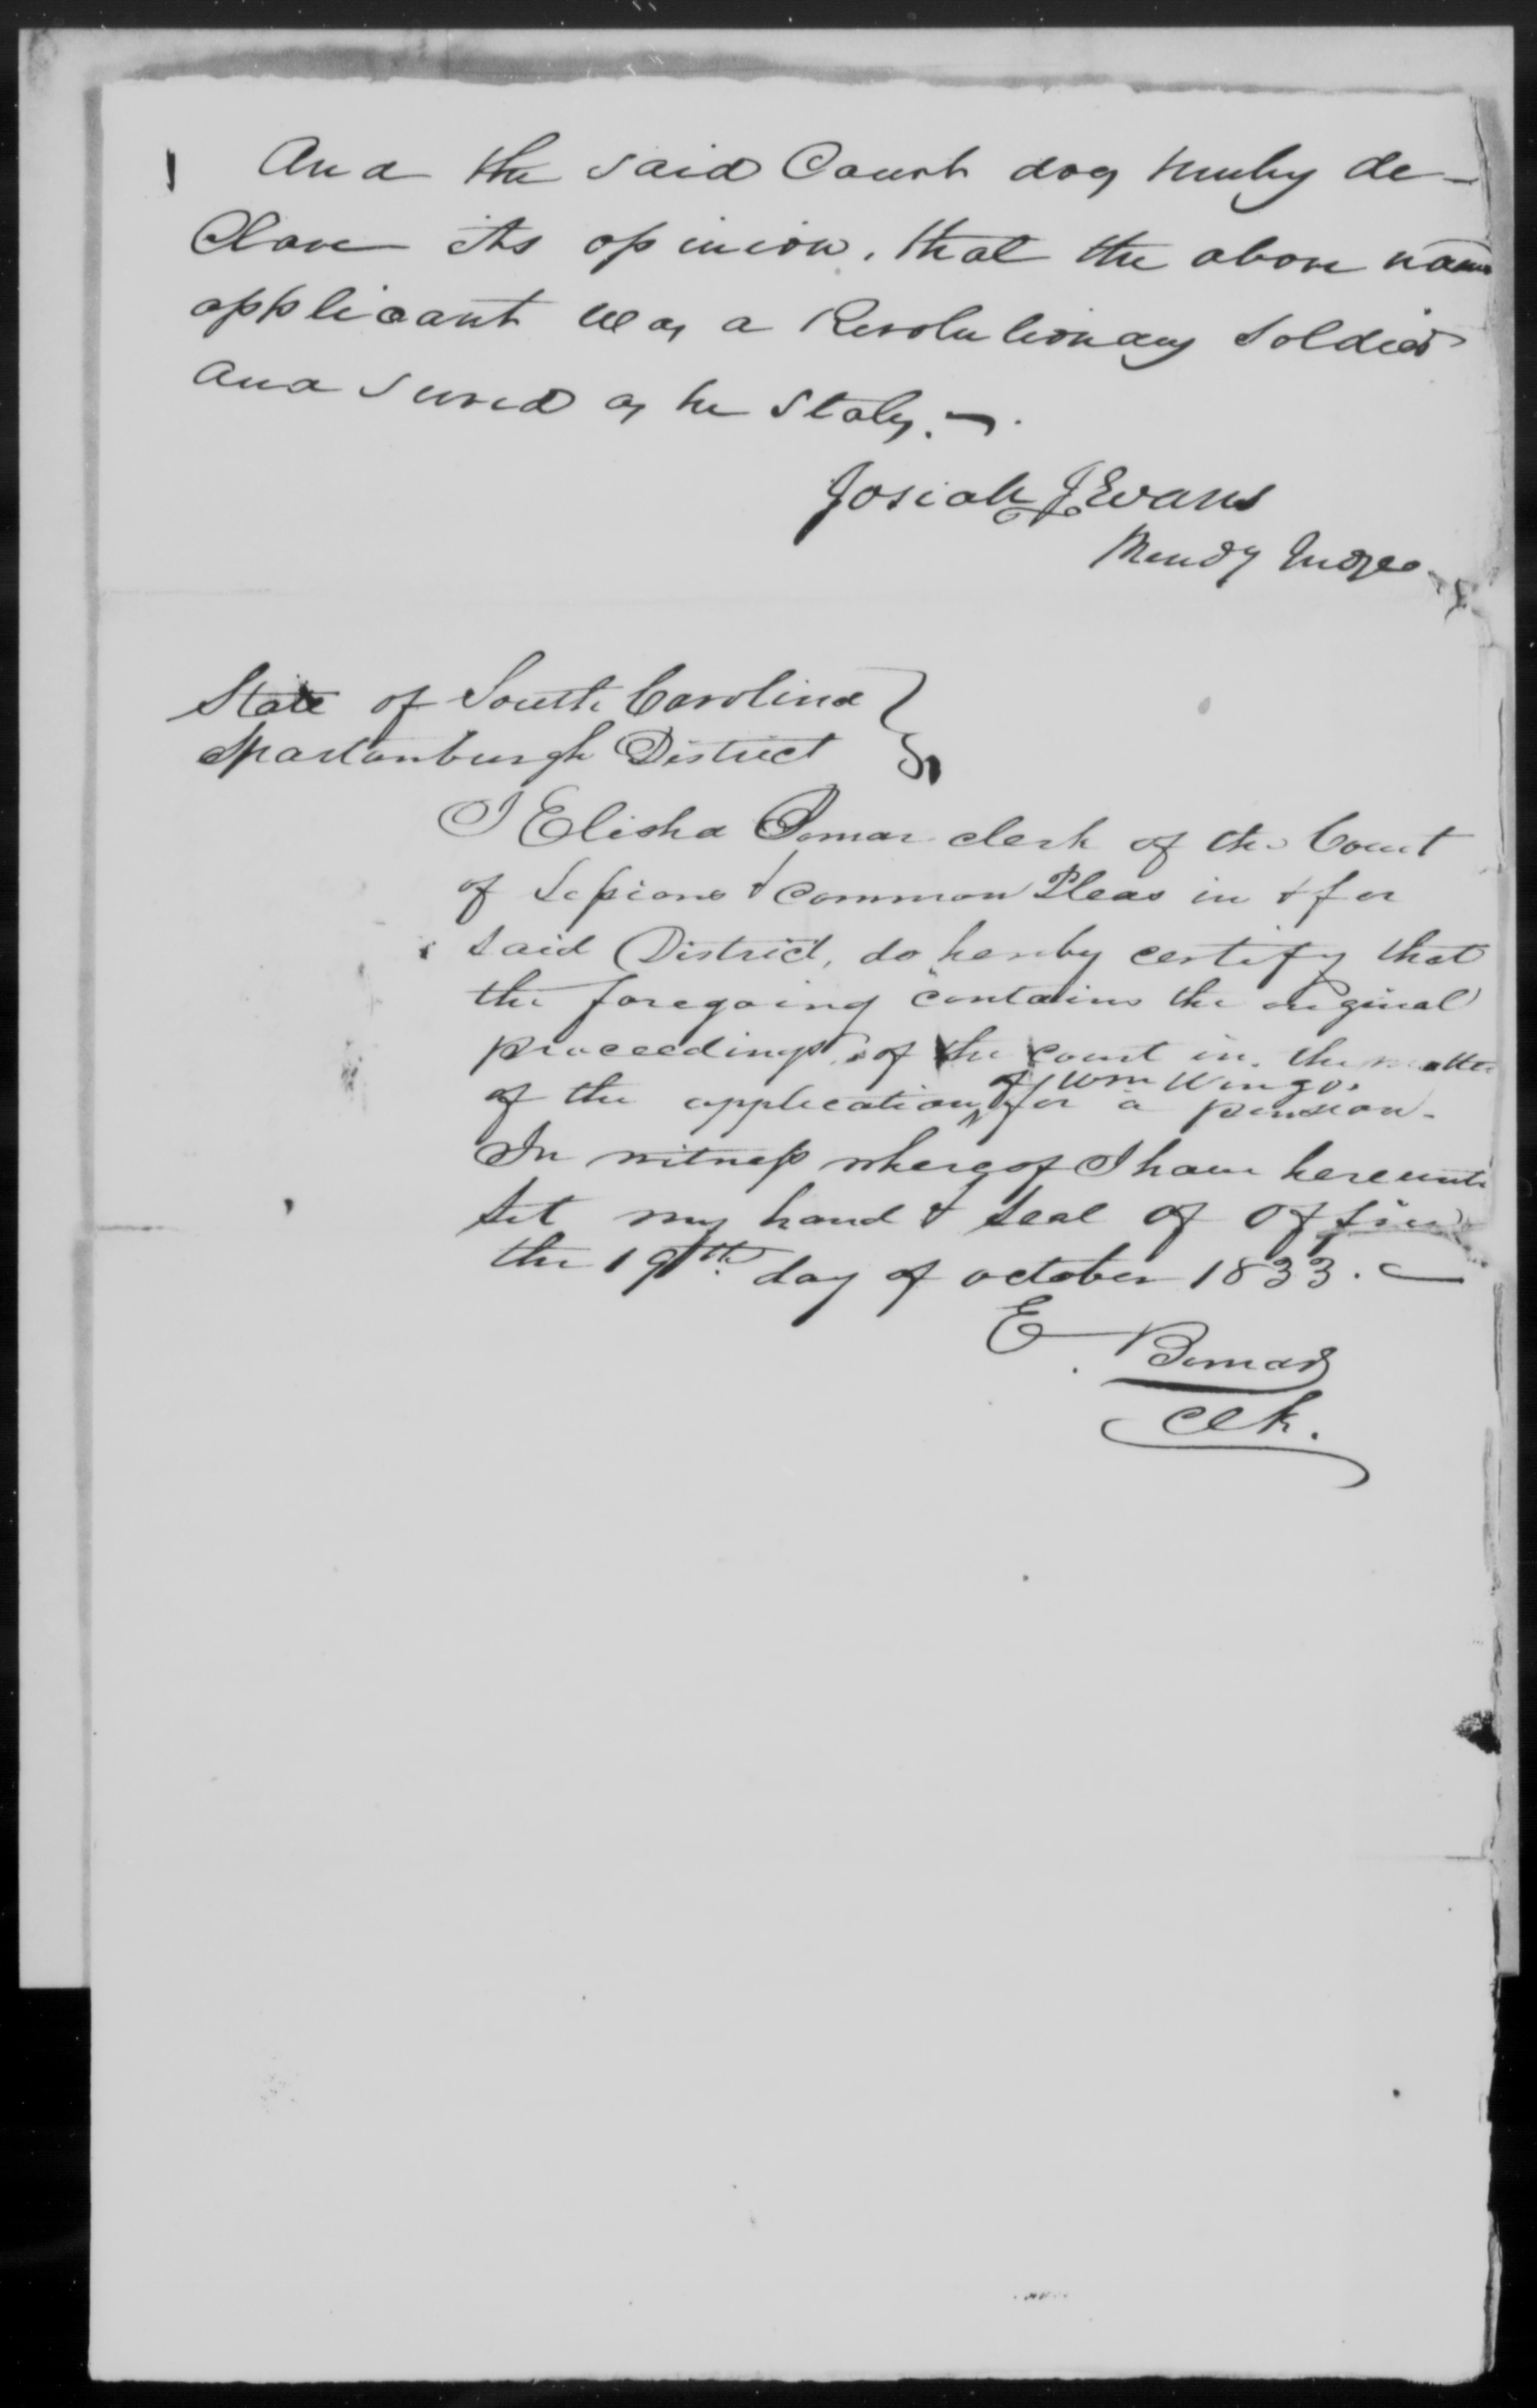And the said Court does hereby declare its opinion that the above named applicant was a Revolutionary Soldier and served as he states. Josiah J Evans [illegible] judge

State of South Carolina Spartanburgh District }
I Elisha Bomar clerk of the Court of sessions & common Pleas in & for said District do hereby certify that the foregoing contains the original proceedings of the court in the matter of the application of Wm Wingo for a pension. In witness whereof I have hereunto set my hand & seal of office the 19th day of october 1833. E. Boman clk.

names: Wm Wingo, Elisha Bomar, Josiah J Evans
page: 6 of 19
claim: survivor's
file: S. 7,896, William Wingo, Va.